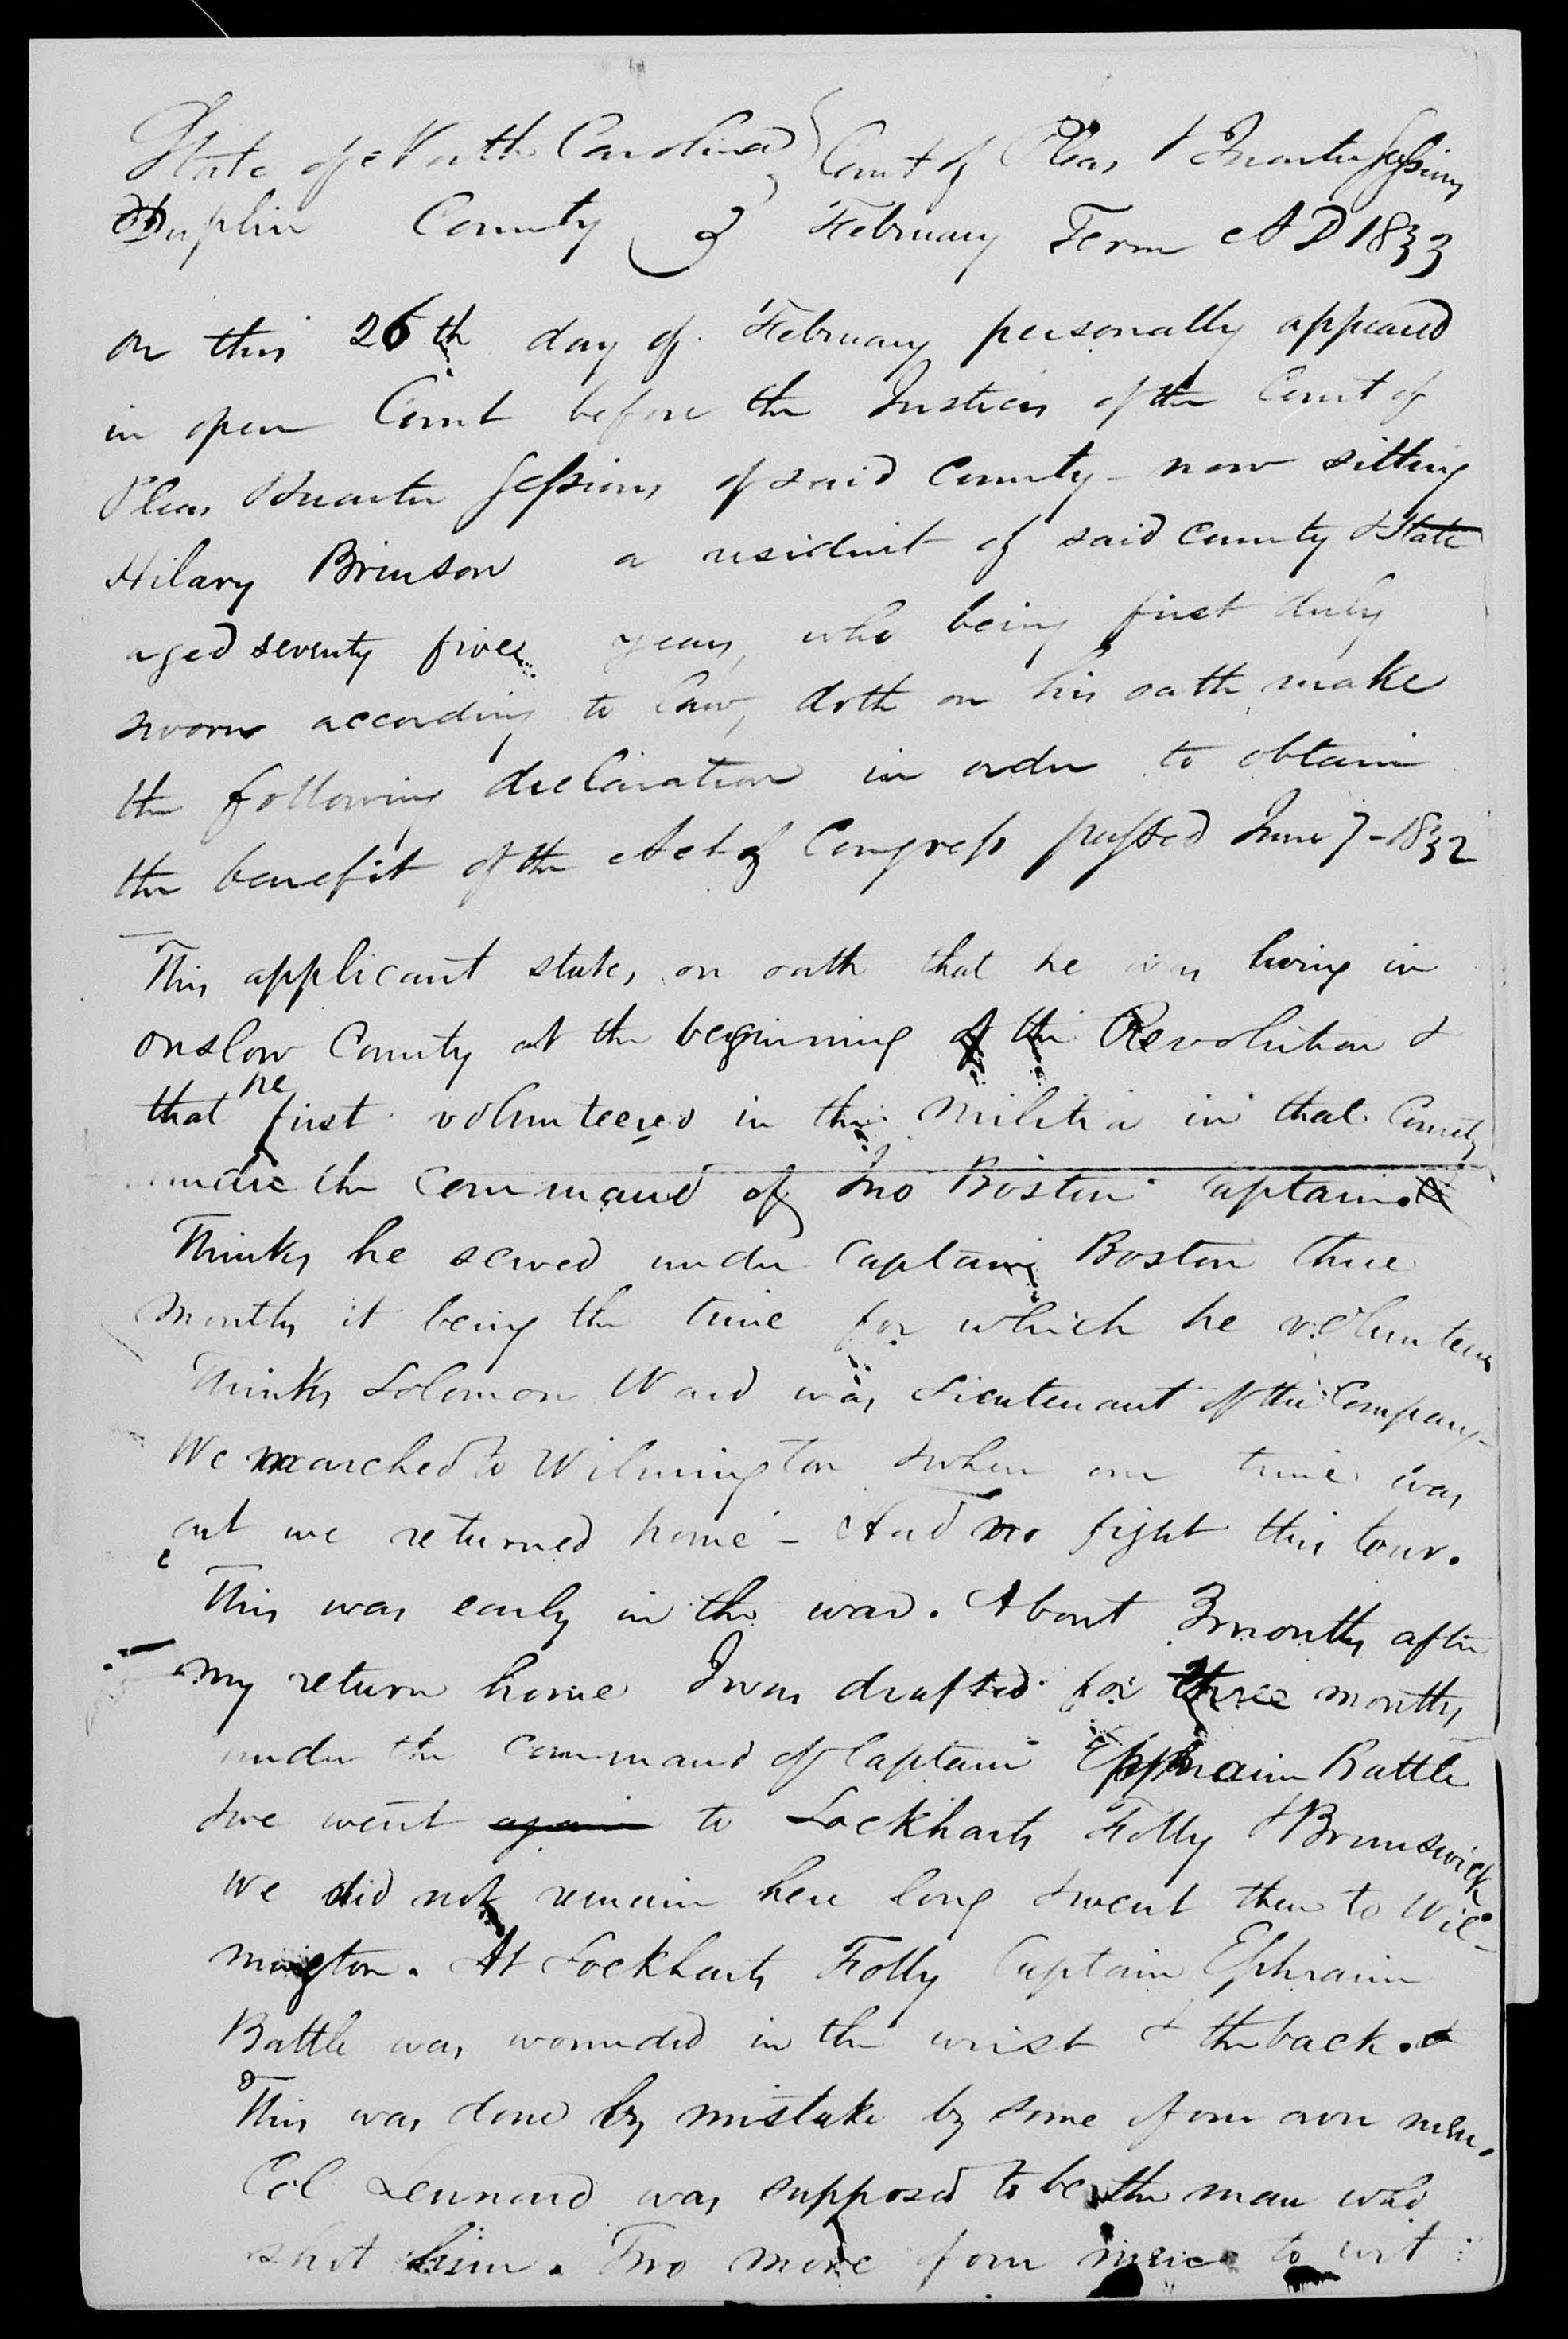State of North Carolina
Duplin County }  Court of Pleas and Quarter sessions February Term AD 1833

On this 26th day of February personally appeared in open court before the Justices of the Court of Pleas and Quarter sessions of said county- now sitting Hilary Brinson a resident of said county and state aged seventy five years, who being first duly sworn according to law, doth on his oath make the following declaration in order to obtain the benefit of the Act of Congress passed June 7 1832.
This applicant states on oath that he was living in Onslow county at the beginning of the Revolution and that he first volunteered in the Militia in that County under the command of Jno Boston Captain. Thinks he served under Captain Boston three months it being the time for which he volunteered. Thinks Solomon Ward was Lieutenant of the company. We marched to Wilmington when our time was out we returned home. And no fight this tour. This was early in the war. About 3 months after my return home I was drafted for three months under the command of Captain Ephraim Battle and we went to Lockharts Folly and Brunswick. We did not remain here long and went then to Wilmington. At lockharts Folly Captain Ephraim Battle was wounded in teh wrist and the back . This was done by miske by some of our own men. Col. Lennard was supposed to be the man who shot him. Two more of our men to wit:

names: Lennard, Epphraim Battle, Jno Boston, Boston, Ephraim Battle, Hilary Brinson, Solomon Ward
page: 6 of 38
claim: widow's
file: W. 5231, Hilary Brinson, N.C.